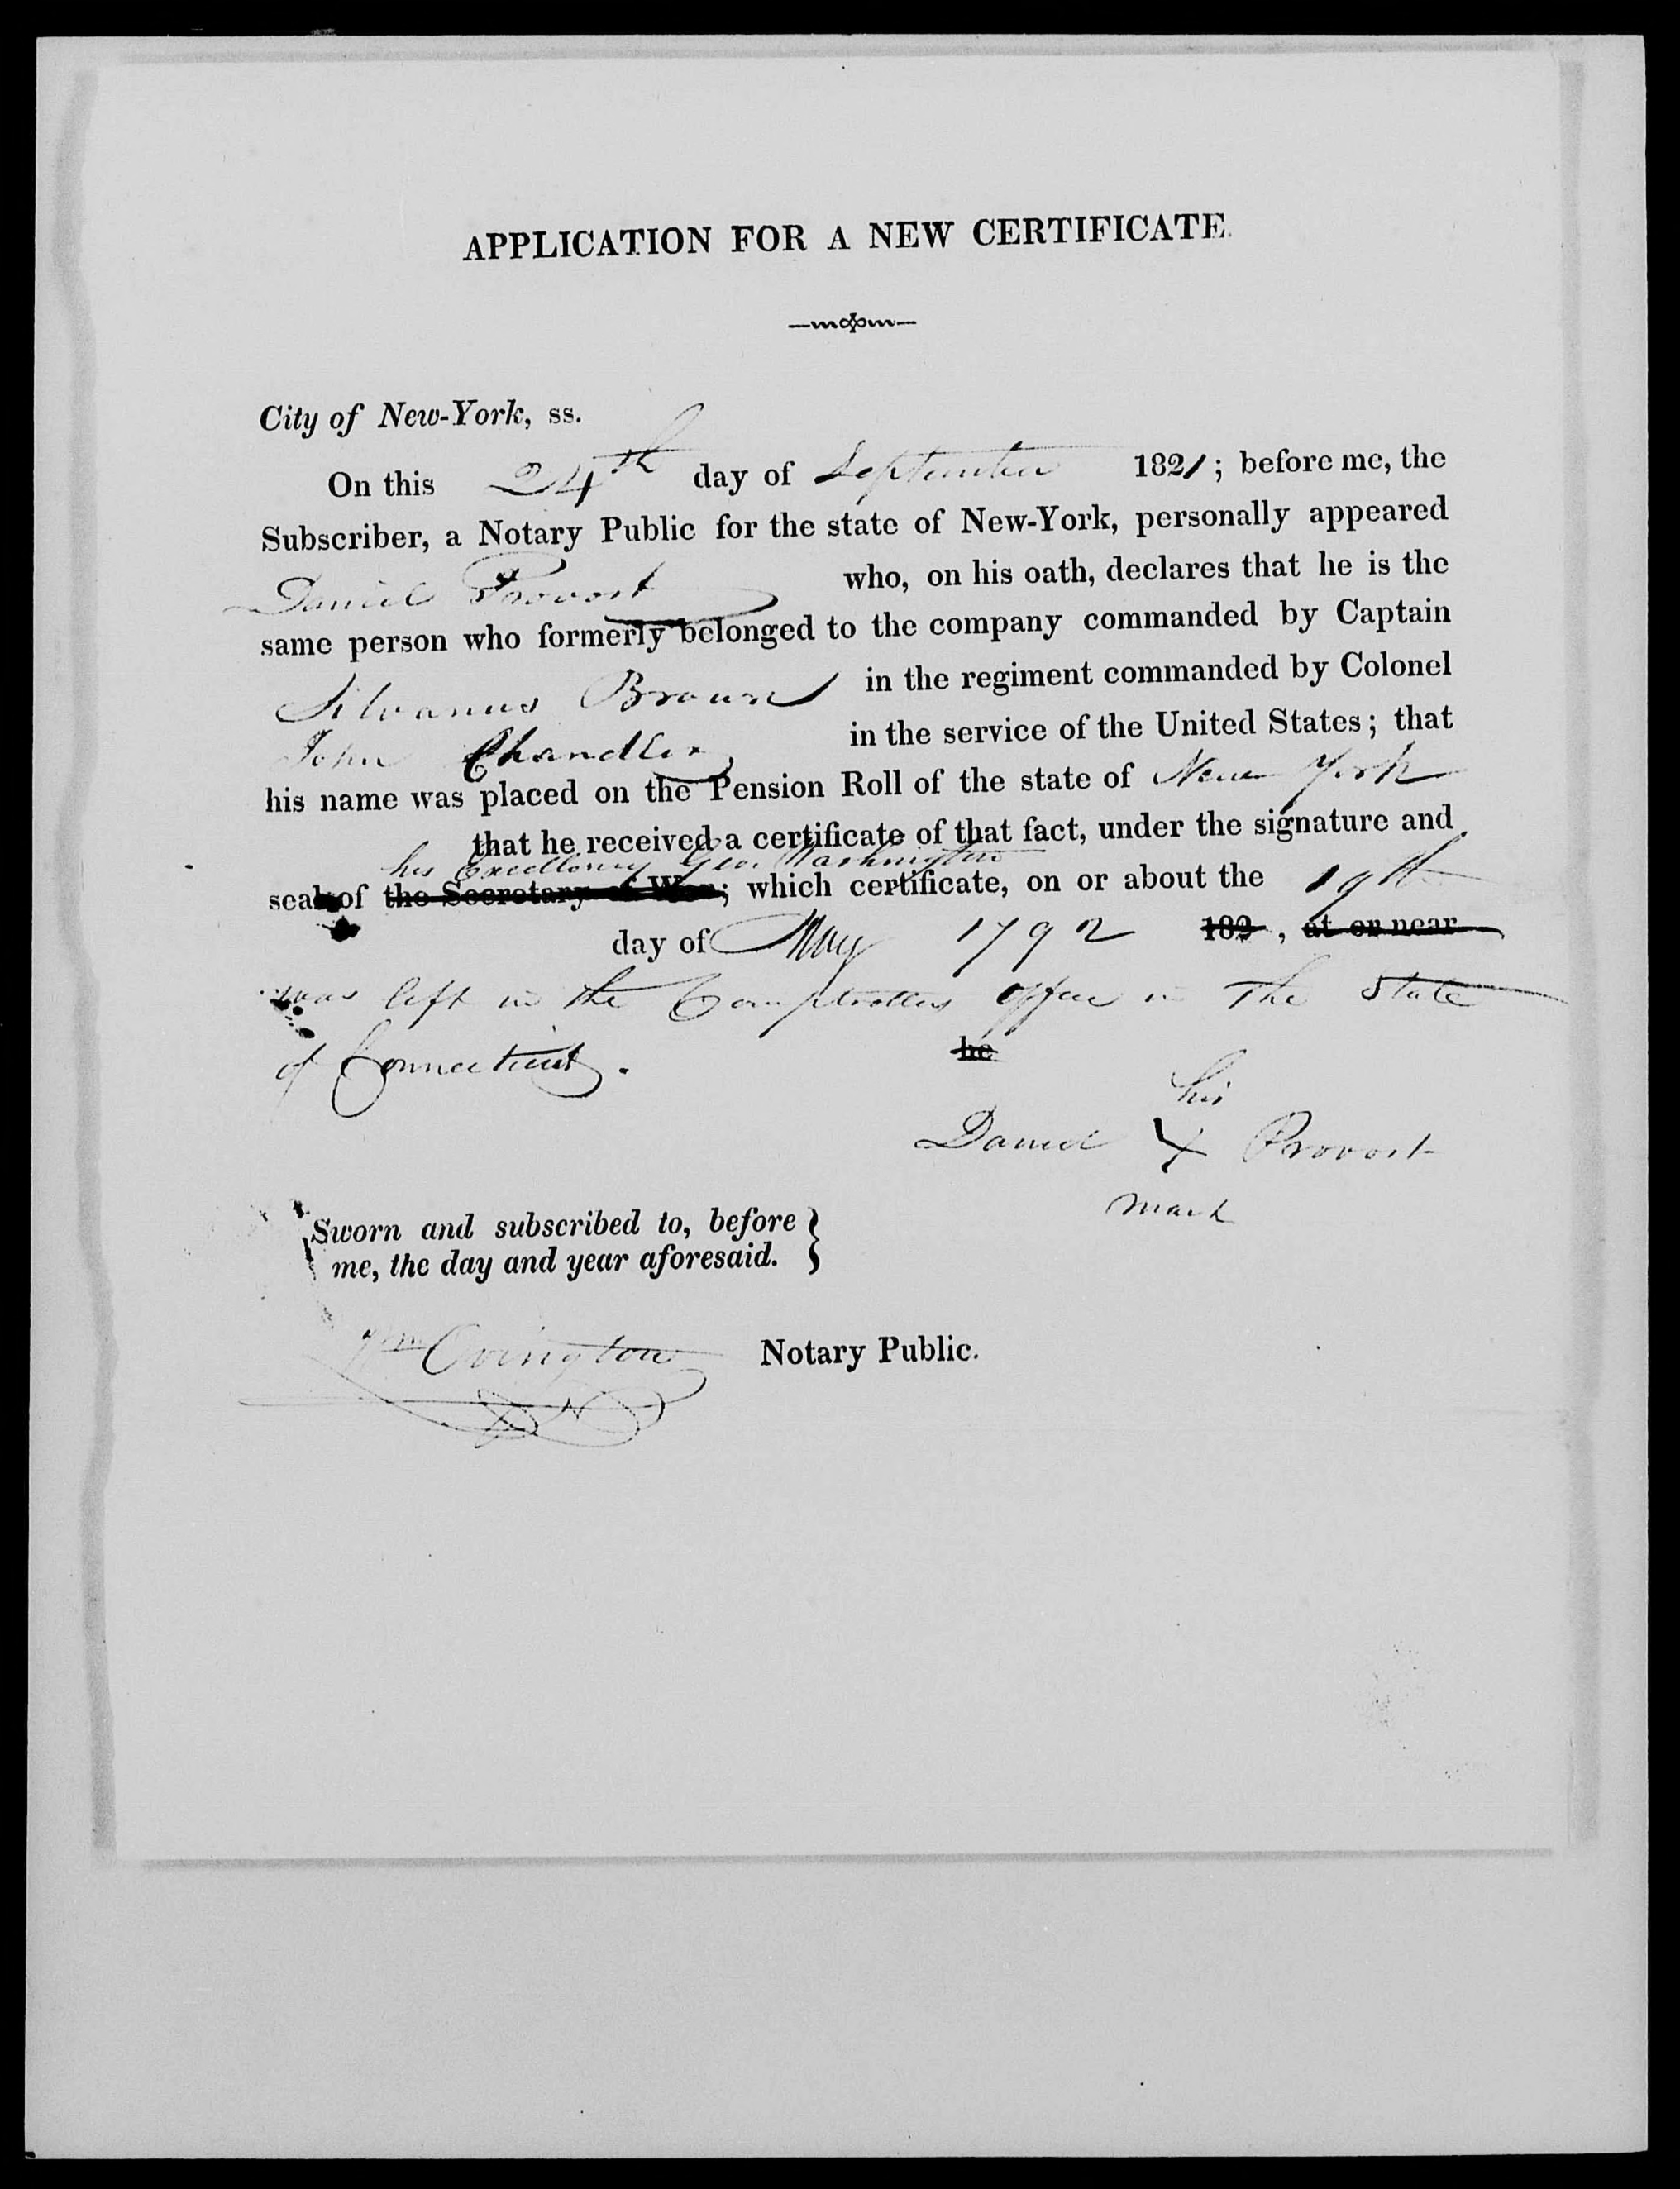APPLICATION FOR A NEW CERTIFICATE.
City of New-York, ss.
On this 24th day of September 1821; before me, the
Subscriber, a Notary Public for the state of New York, personally appeared
Daniel Provost who, on his oath, declares that he is the 
same person who formerly belonged to the company commanded by Captain
Silvanus Brown in the regiment commanded by Colonel
John Chandler in the service of the United States; that
his name was placed on the Pension Roll of the state of New York
that he received a certificate of that fact, under the signature and
seal of his Excellency Geo. Washington which certificate, on or about the 19th
day of May 1792 ,
was left in the Comptrollers office in the State of Connecticut
Daniel Provost his X mark
Sworn and subscribed to, before }
me, the day and year aforesaid. }
Wm Ovington Notary Public.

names: Geo Washington; Daniel Provost; John Chandler; Wm Ovington; Silvanus Brown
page: 9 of 24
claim: survivor's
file: S. 20,926, for Daniel Provost, Connecticut